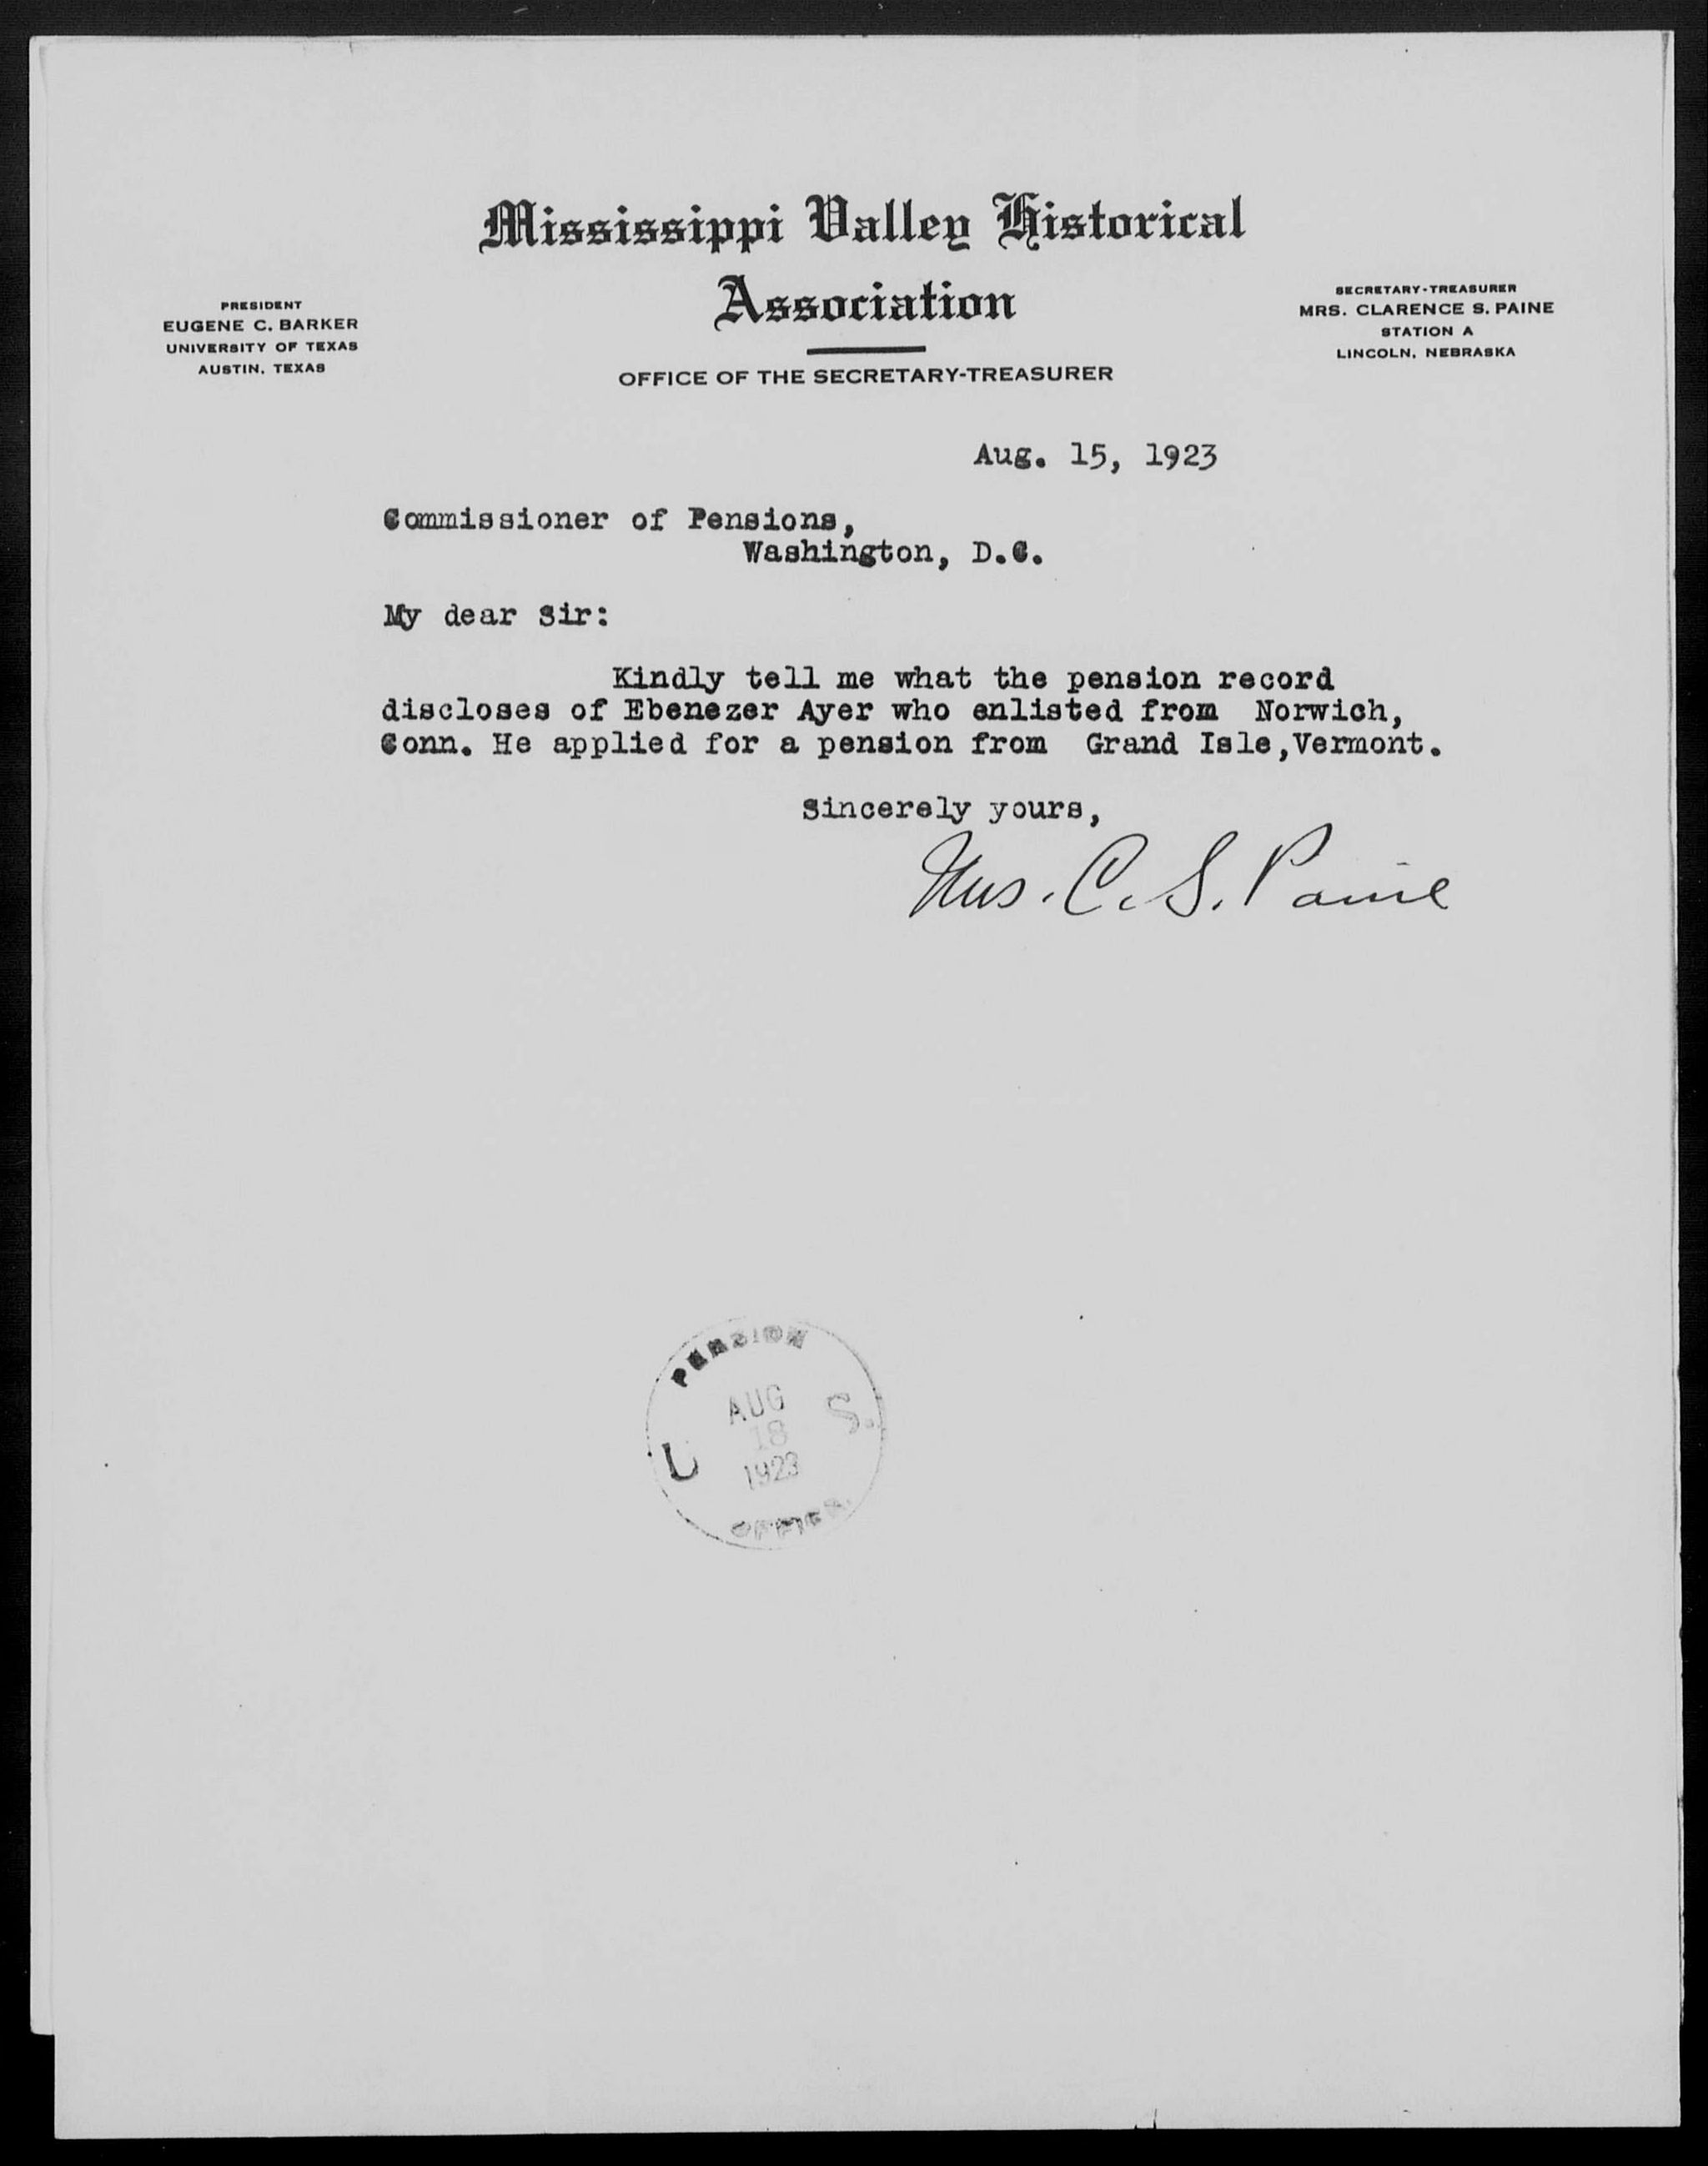Mississippi Valley Historical Association
OFFICE OF THE SECRETARY-TREASURER
PRESIDENT EUGENE C. BARKER 
UNIVERSITY OF TEXAS 
AUSTIN, TEXAS
SECRETARY-TREASURER 
MRS. CLARENCE S. PAINE 
STATION A 
LINCOLN, NEBRASKA
Aug. 15, 1923
Commisioner of Pensions,
Washington, D.C.
My Dear Sir:
Kindly tell me what the pension record discloses of Ebenezer Ayer who enlisted from Norwich, Conn. He applied for a pension from Grand Isle, Vermont.
Sincerely yours,
Mrs. C. S. Paine

STAMPED:
PENSION OFFICE US 
AUG 18 1923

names: C S Paine, Eugene C Barker, Ebenezer Ayer, Clarence S Paine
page: 50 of 50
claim: widow's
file: W. 8559, Ebenezer Ayer, Continental (Conn)